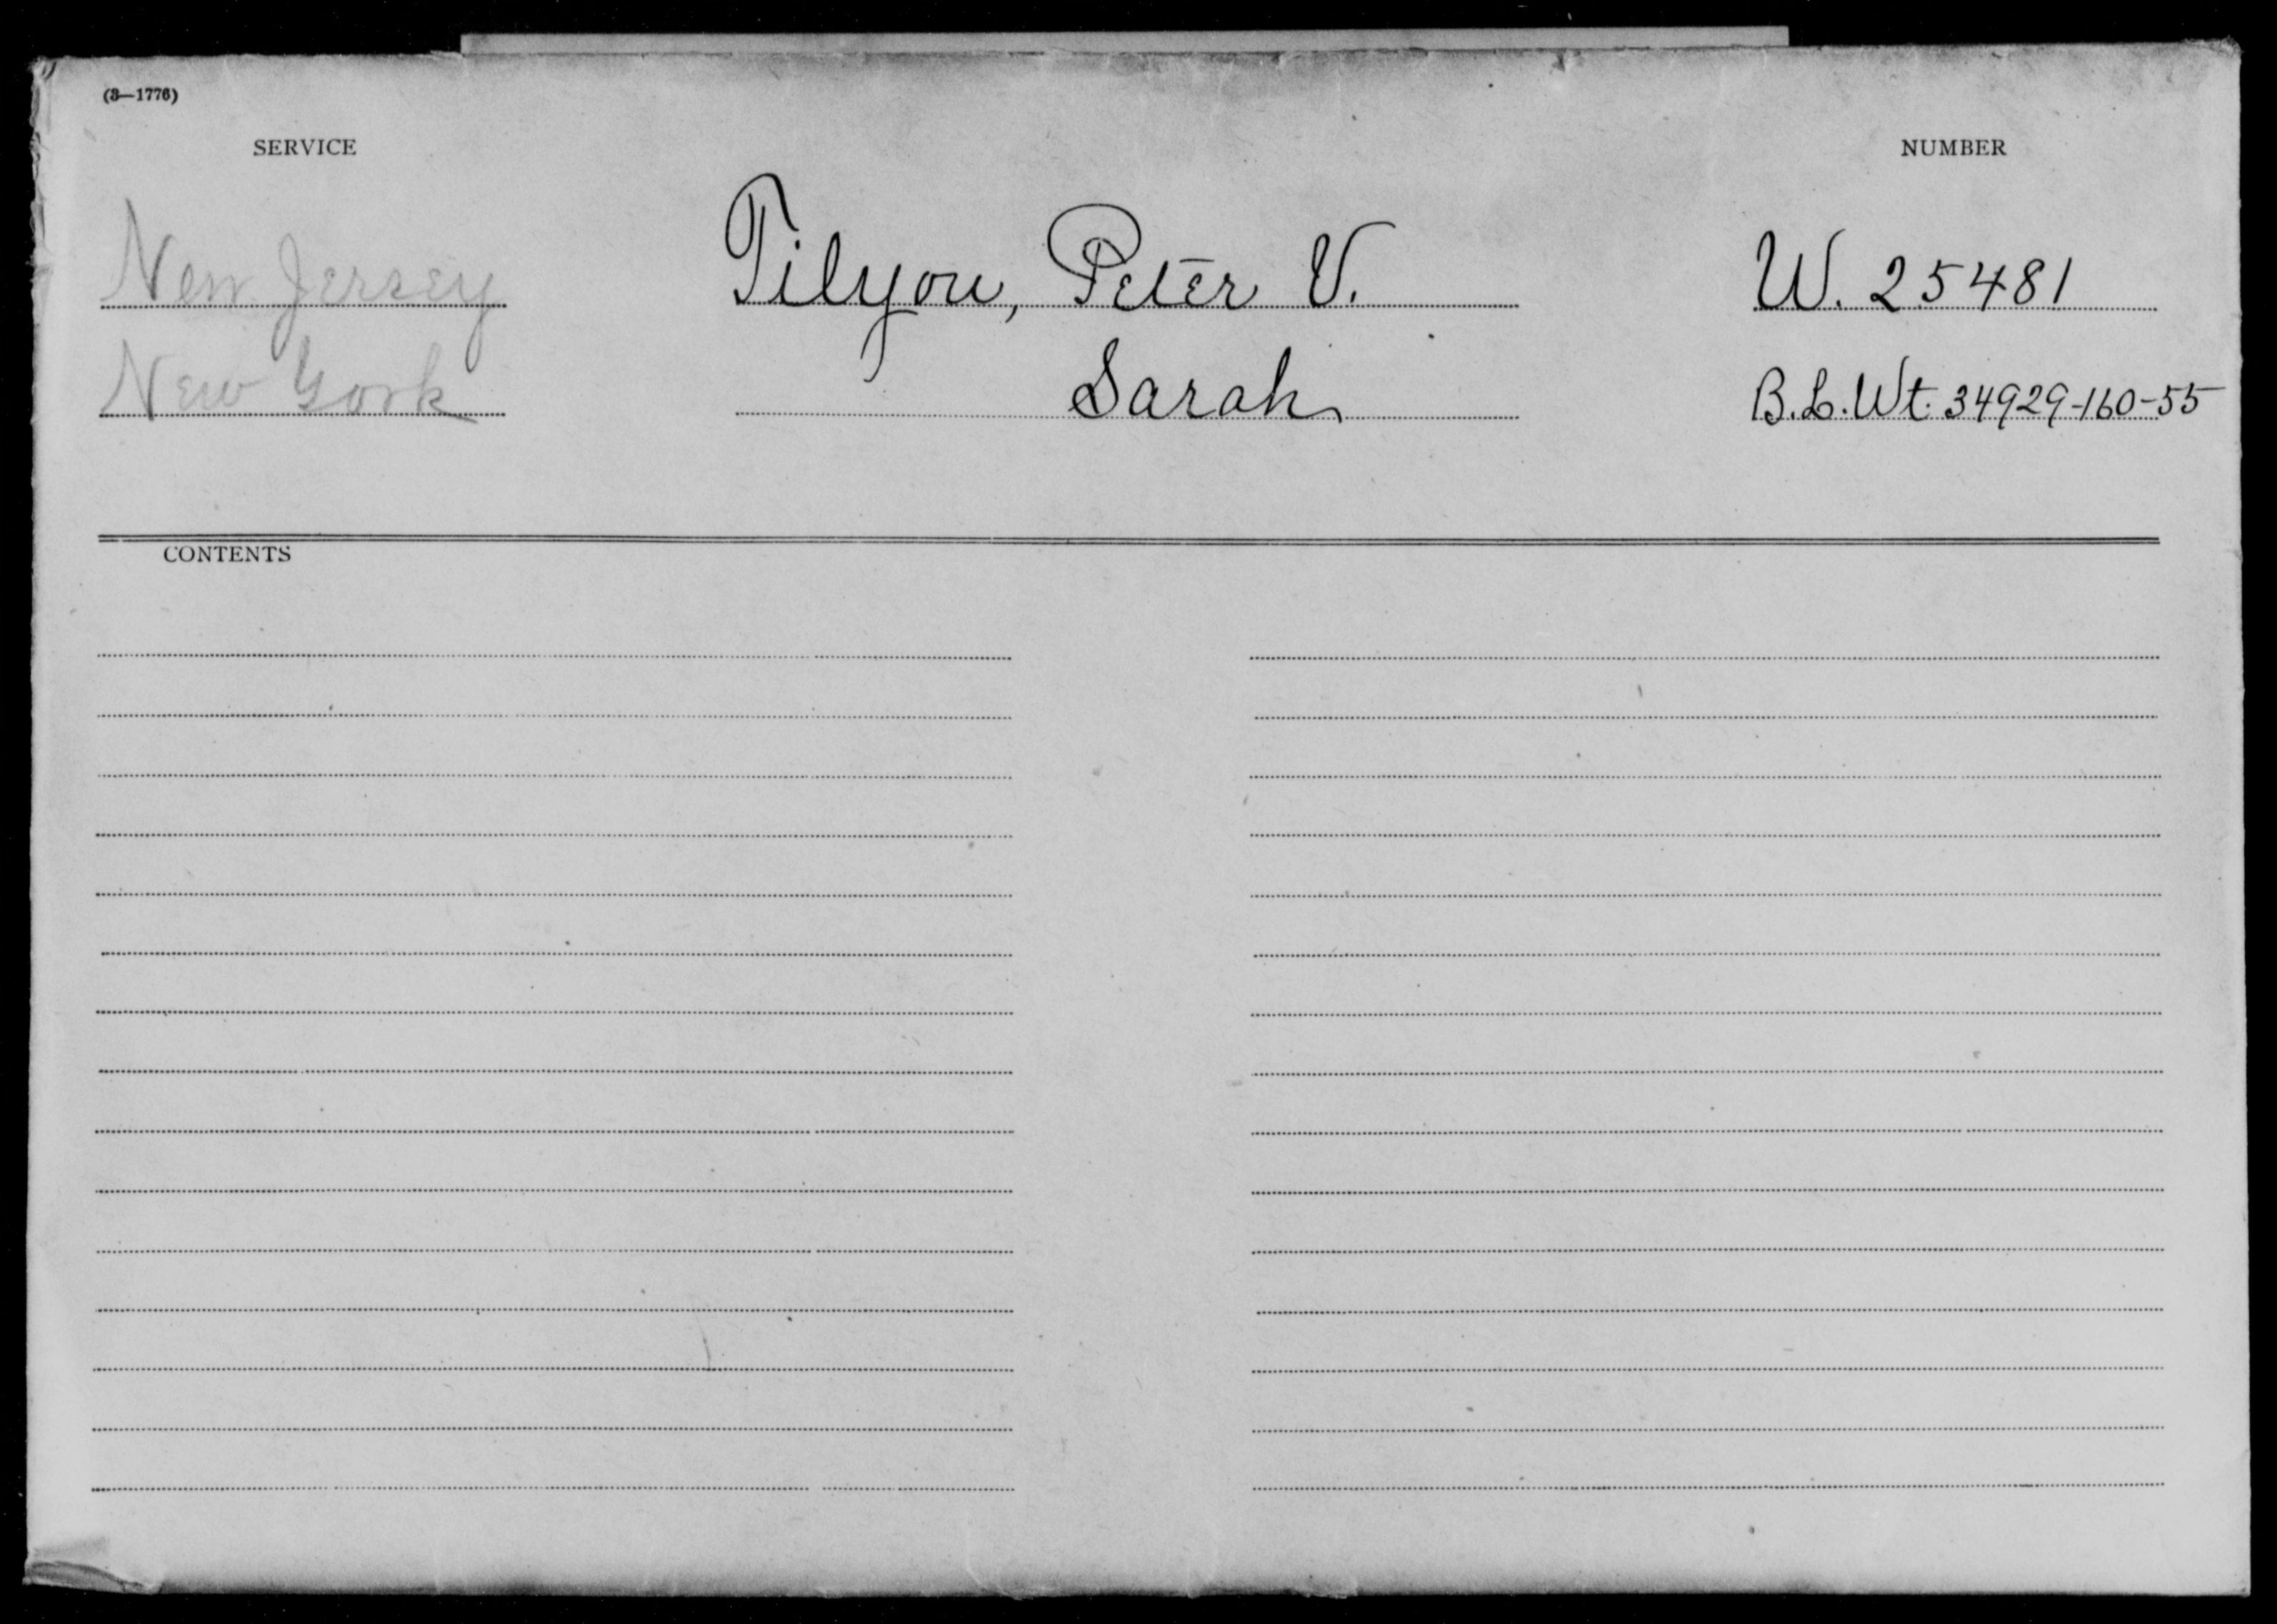New Jersey       Tilyou, Peter V.       W25481
New York                  Sarah        B.L.Wt.34929-160-55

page: 1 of 101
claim: widow's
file: W. 25481, for Peter V Tilyou, New Jersey